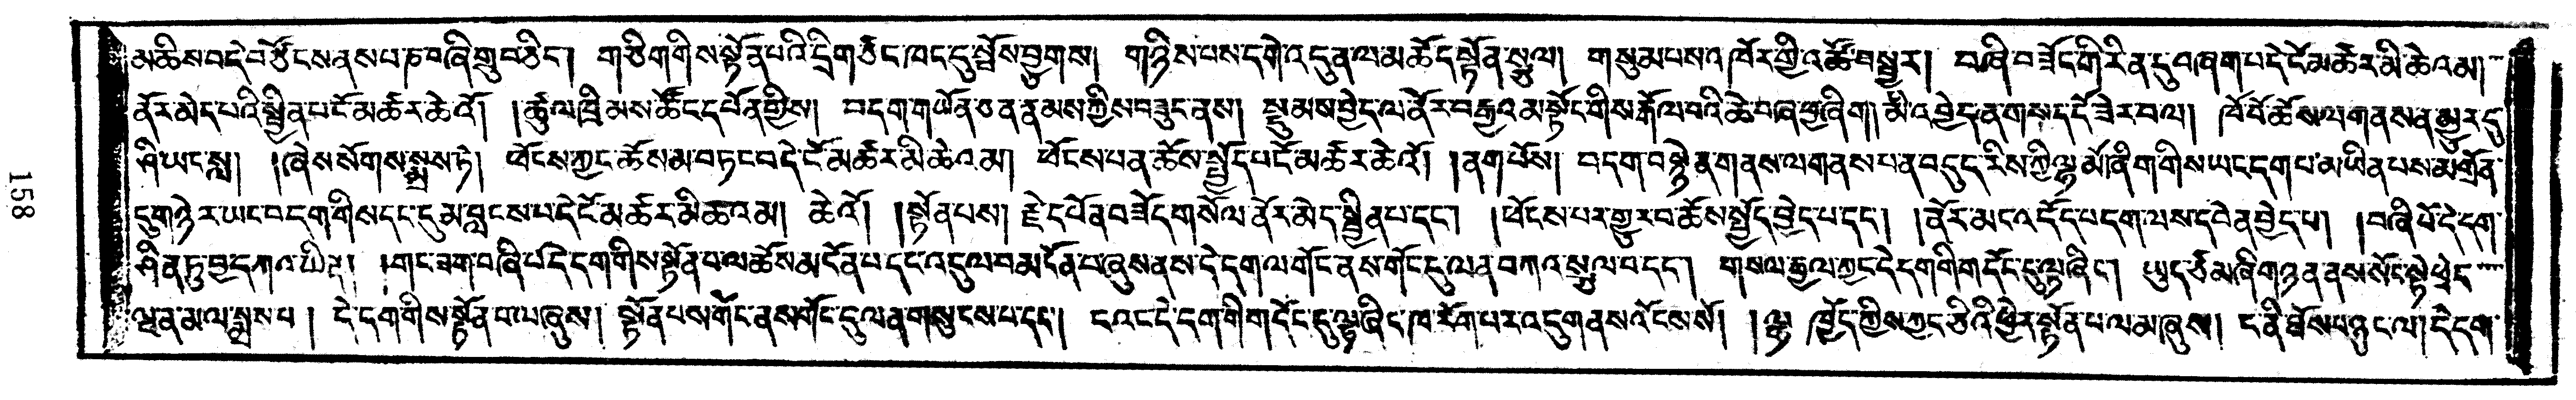མཆིས་བདེ་བཙོངས་ནས་པ་ཎ་བཞི་གྲུབ་ཅིང་། གཅིག་གིས་སྟོན་པའི་དྲི་གཙང་ཁང་དུ་སྦོས་བྱུགས། གཉིས་པས་དགེ་འདུན་ལ་མཆོད་སྟོན་སྩལ། གསུམ་པས་འཁོར་གྱི་འཚོ་བ་སྦྱར། བཞི་བཟོང་གི་རིན་དུ་བཞག་པ་དེ་ངོ་མཚར་མི་ཆེའམ།
ནོར་མེད་པའི་སྦྱིན་པ་ངོ་མཚར་ཆེའོ། །ཚུལ་ཁྲིམས་ཚོང་དཔོན་གྱིས། བདག་གཡོན་ཅན་རྣམས་ཀྱིས་བཟུང་ནས། སྡུམས་བྱེད་ལ་ནོར་བརྒྱའམ་སྟོང་གིས་རྒོལ་བའི་ཆེ་བཞི་ཕྱ་ཞིག། མི་འབྱེད་ན་གསད་དོ་ཟེར་བ་ལ། ཁོ་བོ་ཆོས་ལ་གནས་ན་མྱུར་དུ་
ཤི་ཡང་སླ། །ཞེས་སོགས་སྨྲས་ཏེ། ཕོངས་ཀྱང་ཆོས་མ་བཏང་བདེ་ངོ་མཚར་མི་ཆེའམ། ཕོངས་པན་ཆོས་སྤྱོད་པ་ངོ་མཚར་ཆེའོ། །ནག་པོས། བདག་བསྙེན་གནས་ལ་གནས་པན་བདུད་རིས་ཀྱི་ལྷ་མོ་ཞིག་གིས་ཡང་དག་པ་མ་ཡིན་པས་མགྲོན་
དུ་གཉེར་ཡང་བདག་གིས་དང་དུ་མ་བླངས་པ་དེ་ངོ་མཚར་མི་ཆེ་འམ། ཆེའོ། །སྟོན་པས། རྗེ་དཔོན་བཟོད་གསོལ་ནོར་མེད་སྦྱིན་པ་དང་། །ཕོངས་པར་གྱུར་བ་ཆོས་སྤྱོད་བྱེད་པ་དང་། །ནོར་མང་འདོད་བདག་ལས་དབེན་བྱེད་པ། །བཞི་པོ་དེ་དག་
ཤིན་ཏུ་བྱ་དཀའ་ཡིན?། །གང་ཟག་བཞི་པོ་དེ་དག་གིས་སྟོན་པ་ལ་ཆོས་མངོན་པ་དང་འདུལ་བ་མངོན་བ་ཞུས་ནས་དེ་དག་ལ་གོང་ནས་གོང་དུ་ལན་བཀའ་སྩལ་བ་དང་། གསལ་རྒྱལ་ཀྱང་དེ་དག་གི་གདོང་དུ་ལྟ་ཞིང་། ཡུད་ཙམ་ཞིག་གཉན་ནས་སོང་སྟེ་ཕྲེང་
ལྔ་ན་མ་ལ་སྨྲས་པ། དེ་དག་གིས་སྟོན་པ་ལ་ཞུས། སྟོན་པས་གོང་ནས་གོང་དུ་ལན་གསུངས་པ་དང་། ངའང་དེ་དག་གི་གདོང་དུ་ལྟ་ཞིང་ཁ་རོག་པར་འདུ་གནས་འོངས་སོ། །ལྷ་ཁྱོད་ཀྱིས་ཀྱང་ཅིའི་ཕྱིར་སྟོན་པ་ལ་མ་ཞུས། ང་ནི་ཐོས་པ་ཉུང་ལ། དེ་དག་